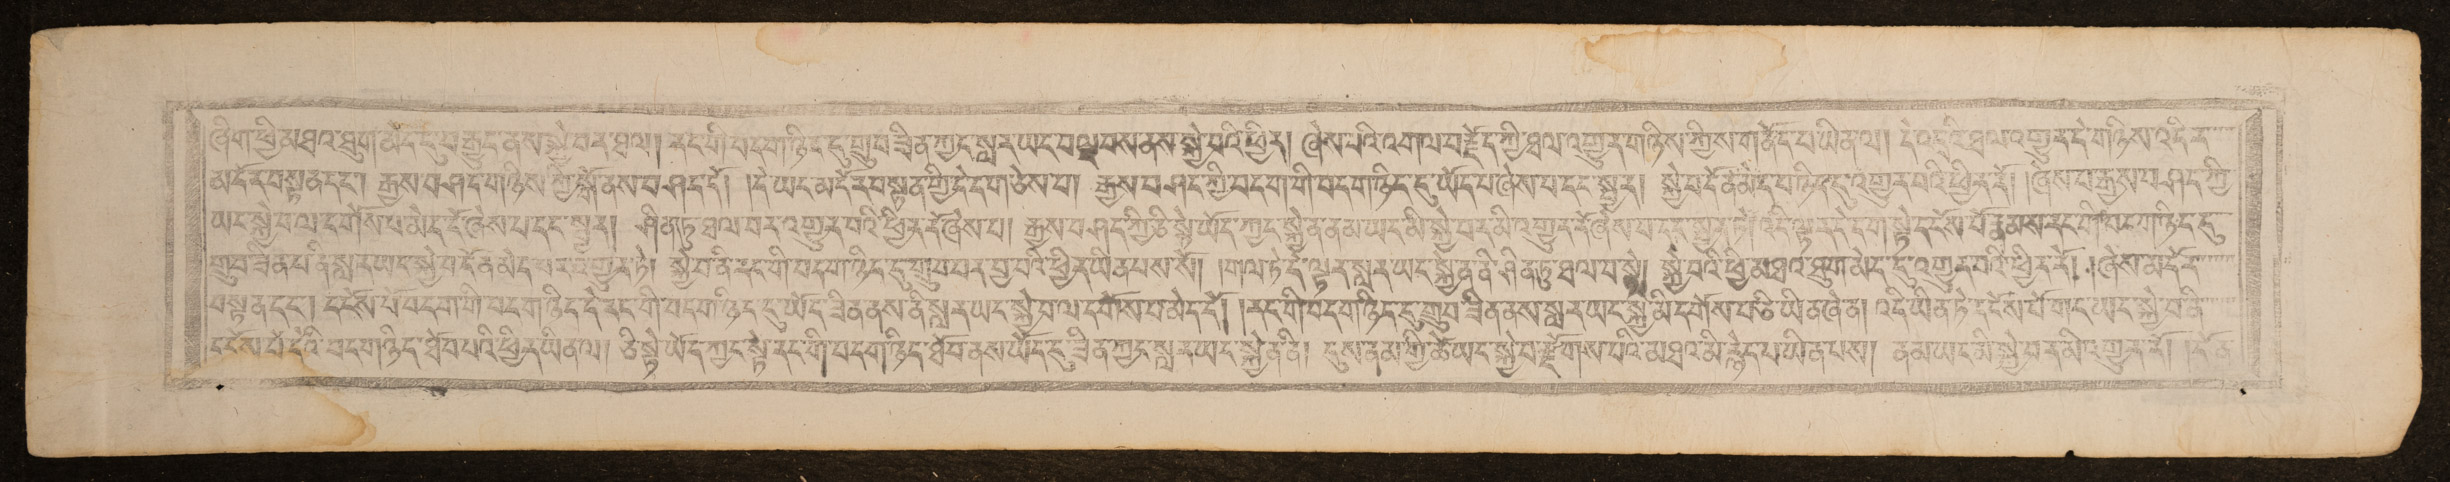ཞིག་ཕྱི་མཐའ་ཐུག་མེད་དུ་བརྒྱུད་ནས་སྐྱེ་བར་ཐལ། རང་གི་བདག་ཉིད་དུ་གྲུབ་ཟིན་ཀྱང་སླར་ཡང་བལྡབས་ནས་སྐྱེ་བའི་ཕྱིར། ཞེས་པའི་འགལ་བརྗོད་ཀྱི་ཐལ་འགྱུར་གཉིས་ཀྱིས་གནོད་པ་ཡིན་ལ། དེ་འདྲའི་ཐལ་འགྱུར་དེ་གཉིས་འདིར་
མདོར་བསྟན་དང་། རྒྱས་བཤད་གཉིས་ཀྱི་སྒོ་ནས་བཤད་དོ། །དེ་ཡང་མདོར་བསྟན་གྱི་དེ་དག་ཅེས་པ། རྒྱས་བཤད་ཀྱི་བདག་གི་བདག་ཉིད་དུ་ཡོད་པ་ཞེས་པ་དང་སྦྱར། སྐྱེ་བ་དོན་མེད་པ་ཉིད་དུ་འགྱུར་བའི་ཕྱིར་རོ། །ཞེས་པ་རྒྱས་བཤད་ཀྱི་
ཡང་སྐྱེ་བ་ལ་དགོས་པ་མེད་དོ་ཞེས་པ་དང་སྦྱར། ཤིན་ཏུ་ཐལ་བར་འགྱུར་བའི་ཕྱིར་རོ་ཞེས་པ། རྒྱས་བཤད་ཀྱི་ཅི་སྟེ་ཡོད་ཀྱང་སྐྱེ་ན་ནམ་ཡང་མི་སྐྱེ་བར་མི་འགྱུར་རོ་ཞེས་པ་དང་སྦྱར་ཏེ། འདི་ལྟར་དེ་དག་སྟེ་དངོས་པོ་རྣམས་རང་གི་བདག་ཉིད་དུ་
གྲུབ་ཟིན་པ་ནི་སླར་ཡང་སྐྱེ་བ་དོན་མེད་པར་འགྱུར་ཏེ། སྐྱེ་བ་ནི་རང་གི་བདག་ཉིད་དུ་གྲུབ་པར་བྱ་བའི་ཕྱིར་ཡིན་པས་སོ། །གལ་ཏེ་དེ་ལྟར་སླར་ཡང་སྐྱེ་ན་ནི་ཤིན་ཏུ་ཐལ་བ་སྟེ། སྐྱེ་བའི་ཕྱི་མཐའ་ཐུག་མེད་དུ་འགྱུར་བའི་ཕྱིར་རོ། །ཞེས་མདོར་
བསྟན་དང་། དངོས་པོ་བདག་གི་བདག་ཉིད་དེ་རང་གི་བདག་ཉིད་དུ་ཡོད་ཟིན་ནས་ནི་སླར་ཡང་སྐྱེ་བ་ལ་དགོས་པ་མེད་དོ། །རང་གི་བདག་ཉིད་དུ་གྲུབ་ཟིན་ནས་སླར་ཡང་སྐྱེ་མི་དགོས་པ་ཅི་ཡིན་ཞེ་ན། འདི་ཡིན་ཏེ་དངོས་པོ་གང་ཡང་སྐྱེ་བ་ནི་
དངོས་པོ་དེའི་བདག་ཉིད་ཐོབ་པའི་ཕྱིར་ཡིན་ལ། ཅི་སྟེ་ཡོད་ཀྱང་སྟེ་རང་གི་བདག་ཉིད་ཐོབ་ནས་ཡོད་དུ་ཟིན་ཀྱང་སླར་ཡང་སྐྱེ་ན་ནི། དུས་ནམ་གྱི་ཚེ་ཡང་སྐྱེ་བ་རྫོགས་པའི་མཐའ་མི་རྙེད་པ་ཡིན་པས། ནམ་ཡང་མི་སྐྱེ་བར་མི་འགྱུར་རོ། །དོན་